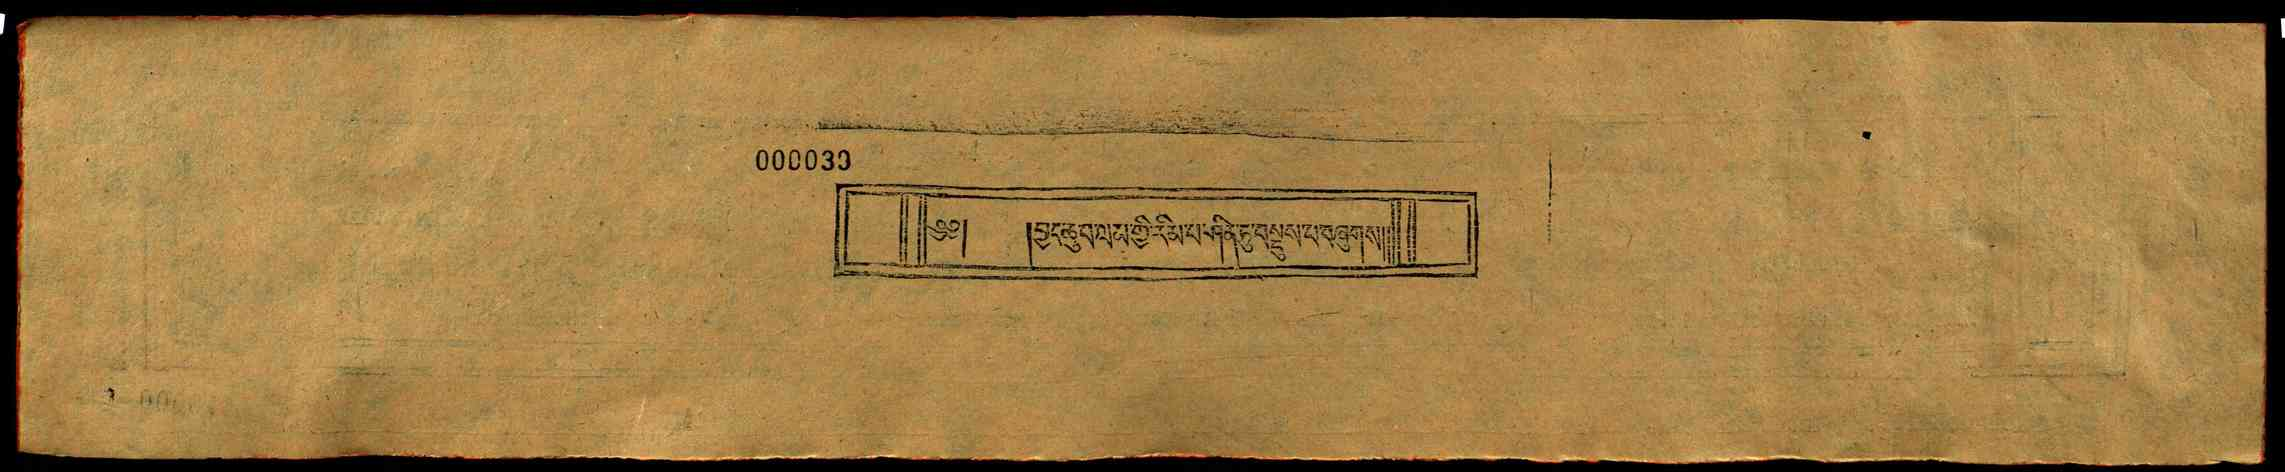༄༅། །བྱང་ཆུབ་ལམ་གྱི་རིམ་པ་ཤིན་ཏུ་བསྡུས་པ་བཞུགས།།